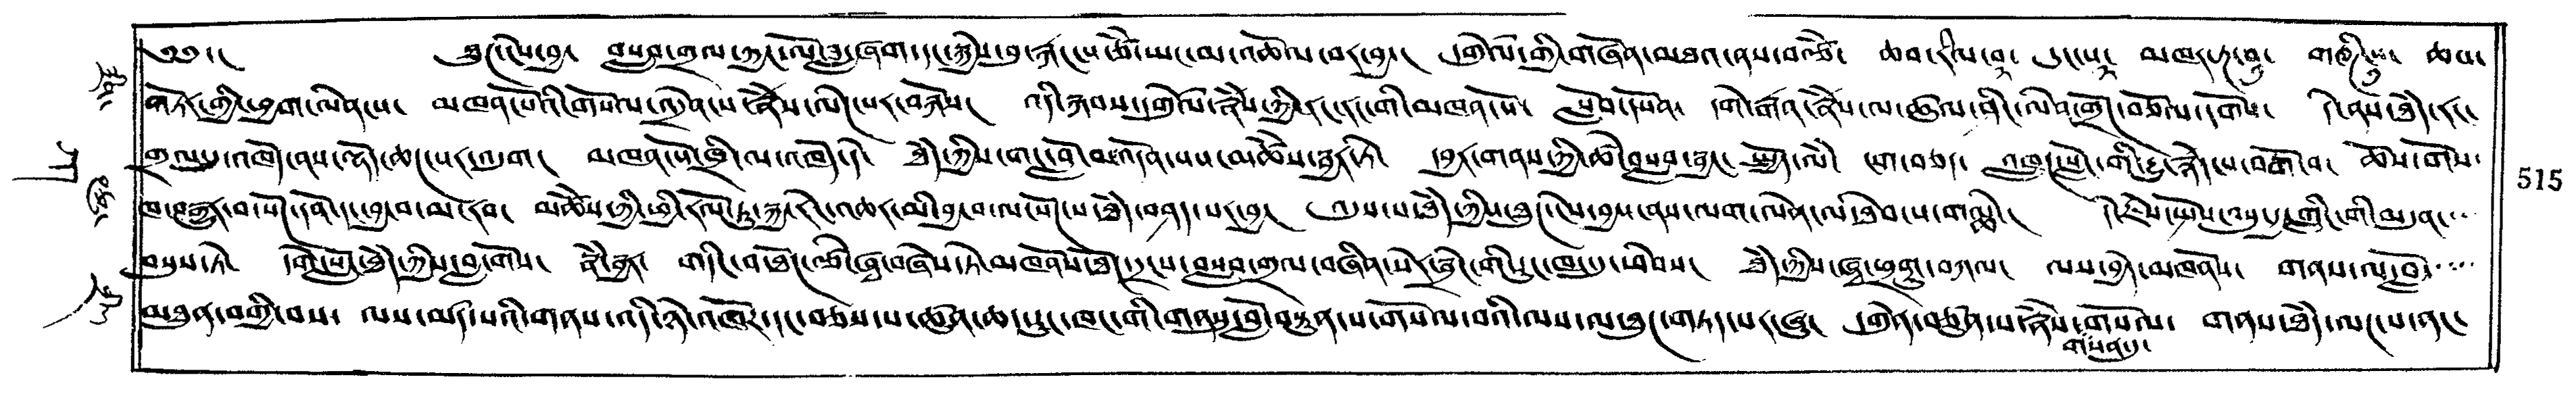ཐུགས་ངེས་བྱ། བསླབ་གྲལ་ཡང་ལོ་ཟླ་ཞག་དང་སྐྱེས་བུ་རྐང་པ་ཙམ་ཡང་མ་འཆོལ་བར་བྱ། དགེ་ཚུལ་གྱི་གཞོན་མཐའ་ནས་བརྩམས་ཆབ་རིལ་བ་གཉིས། དུང་པ་གཉིས། མཁར་རྔ་བ་གཅིག གཎྜི་པ་གཅིག ཆབ་
གཏོར་གྱི་ཕྱག་ལེན་པ། མཁན་པོའི་གསོལ་འདྲེན་པ་རྣམས་ལེགས་པར་བསྐོས། འདི་སྐབས་དགེ་ཚུལ་རྣམས་ཀྱིས་རང་རང་གི་མཁན་པོ། སློབ་དཔོན། དགེ་རྒན་རྣམས་ལ་ཚུལ་ཤིང་ལེན་གྲོགས་བཅོལ་དགོས། དེ་ནས་ཐམས་ཅད་རང་
གྲལ་དུ་འཁོད་ནས་ལྷོད་ཆགས་པར་འདུག མཁན་པོ་ཁྲི་ལ་འཁོད་དེ། ཐམས་ཅད་ཀྱིས་གང་བློ་མ་འདོན་པས་མཚམས་སྦྱར་ཏེ། དབྱར་གནས་ཀྱི་ཚེ་སློབ་སྦྱང་།སྤྱོད་ལམ། ངག་བཅད། འཁྲུགས་སློང་གི་རྒྱུ་རྙེད་པ་བསྒོ་བ། ཆོས་གོས་
ཁ་བསྒྱུར་བ་སོགས་དོན་དང་བྱ་བ་མ་རུང་པ། མཚམས་ཀྱི་ཕྱི་རོལ་ཏུ་སྐྱ་རེངས་འཆར་བར་མི་བྱ་བ་ལ་སོགས་པ་ཐམས་ཅད་བཤད་པར་བྱ། འདུས་པ་ཐམས་ཅད་ཀྱིས་ཐུགས་ངེས་བྱས་ནས་ལག་ལེན་ལ་ཐེབས་པ་གལ་ཆེ། དེ་རྗེས་སྤོས་བསུ་རྒྱ་གླིང་གིས་མདུན་
བསུས་ཏེ། དགེ་སློང་ཐམས་ཅད་ཀྱིས་བླ་གོས། སྣམ་སྦྱར། གདིང་བ་བཅས་ཐོགས། རྩེ་ཞྭ་བཞེས་ཏེ་མཁན་པོས་ཐོག་དྲངས་བསླབ་གྲལ་བཞིན་སེར་སྦྲེངས་ཀྱིས་རུང་ཁང་དུ་ཕེབས། ཐམས་ཅད་ཀྱིས་ཞྭ་ཕྲག་ཏུ་བཀལ། ལས་བྱེད་མཁན་པོས། གནས་ལ་བློ་
མཐུན་བགྱི་བས་ལས་མཛད་པའི་གནས་འདི་ཉེ་འཁོར་དང་བཅས་པ་ཚུན་ཆད་རུང་ཁང་གི་གནས་སུ་བློ་བསྟུན་པ་གསོལ་བའི་ལས་ལ་ཐུགས་གཏད་པར་ཞུ། དགེ་འདུན་བཙུན་པ་རྣམས་གསན་དུ་གསཽལ། གནས་ཐམས་ཅད་ལགས་པ་ནང་